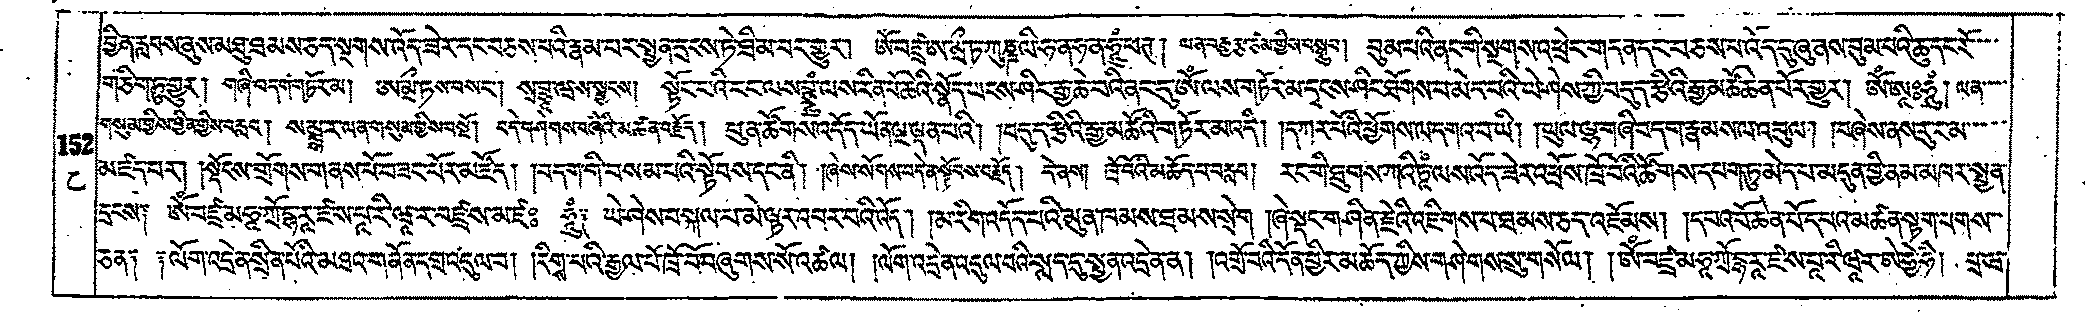བྱིན་རླབས་ནུས་མཐུ་ཐམས་ཅད་སྔགས་འོད་ཟེར་སྔགས་འོད་ཟེར་དང་བཅས་པའི་རྣམ་པར་སྦྱན་དྲངས་ཏེ་ཐིམ་པར་གྱུར། ཨོཾ་བྫྲ་ཨ་མྲྀ་ཏ་ཀུཎྚ་ལི་ཧ་ན་ཧ་ན་ཧཱུཾ་ཕཊ། ལན་བརྒྱ་རྩ་ཙམ་གྱིས་བསྒྲུབ། བུམ་པའི་ནང་གི་སྔས་འཕྲེང་གདན་དང་བཅས་པ་འོད་དུ་ཞུ་ནས་བུམ་པའི་ཆུ་དང་རོ་་་
གཅིག་ཏུ་གྱུར། གཞི་བདག་གཏོར་མ། ཨྀ་མྲ་ཏས་བསང་། སྭ་བྷཱ་ཝས་སྦྱངས། སྟོང་པའི་ངག་ལས་བྷཱུཾ་ལས་རིན་པོ་ཆེའི་སྣོད་ཡངས་ཤིང་རྒྱ་ཆེ་བའི་ནང་དུ་ཨོཾ་ལས་གཏོར་མ་དྭངས་ཤིང་ཐོགས་པ་མེད་པའི་ཡེ་ཤེས་ཀྱི་བདུད་རྩིའི་རྒྱ་མཚོ་ཆེན་པོར་གྱུར། ཨོཾ་ཨཱཿཧཱུཾ། ལན་་་
གསུམ་གྱིས་བྱིན་གྱིས་བརླབ། སམྦྷ་ར་ལན་གསུམ་གྱིས་བསྔོ། བདེ་གཤེགས་བཞིའི་མཚན་བརྗོད། ཕུན་ཚོགས་འདོད་ཡོན་ལྔ་ལྡན་པའི། །བདུད་རྩིའི་རྒྱ་མཚོའི་གཏོར་མ་འདི། །དཀར་པོའི་ཕྱོགས་ལ་དགའ་བ་ཡི། །ཡུལ་ལྷ་གཞི་བདག་རྣམས་ལ་འབུལ། །བཞེས་ནས་རུང་མ་་་
མཛད་པར། །སྡོངས་གྲོགས་གནས་པོ་བཟང་པོར་མཛོད། །བདག་གི་བསམ་པའི་སྟོབས་དང་ནི། ། ཞེས་སོགས་བདེན་སྟོབས་བརྗོད། དེ་ནས། ཁྲོ་བོའི་མཆོད་པ་བརླབ། རང་གི་ཐུགས་ཀའི་ཏཱཾ་ལས་འོད་ཟེར་འཕྲོས་ཁྲོ་བོའི་ཚོགས་དཔག་ཏུ་མེད་པ་མདུན་གྱི་ནམ་མཁའ་སྤྱན་
དྲངས༑ ཨོཾ་བྫྲ་མྷཱ་ཀྲོ་དྷ་རཱ་ཛ་ས་པཱ་རི་བྫྲ་ས་མཛཿ ཧཱུཾ༑ ཡེ་ཤེས་བསྐལ་པ་མེ་ལྟར་འབར་བའི་འོད། །མ་རིག་འདོད་པའི་མུན་ཁམས་ཐམས་སྲེག །ཞེ་སང་གཤིན་རྗེའི་འཇིགས་པ་ཐམས་ཅད་འཇོམས། །དཔའ་པོ་ཆེན་པོ་དཔའ་མཚན་སྟག་པགས་
ཅན༑ ༑ལོག་འདྲེན་སྲིན་པོའི་མཐའ་གནོན་དགྲ་འདུལ་བ། །རིགས་པའི་རྒྱལ་པོ་ཁྲོ་བོ་བཞུགས་སོ་འཚལ། །ལོག་འདྲེན་འདུལ་བའི་སླད་དུ་སྤྱན་འདྲེན་ན། །འགྲོ་བའི་དོན་ཕྱིར་མཆོད་ཀྱིས་གཤེགས་སུ་གསོལ། །ཨོཾ་བྫྲ་མྷཱ་ཀྲོ་དྷ་རཱ་ཛ་ས་པཱ་རི་ཝཱ་ར་ཨེ་ཧྱེ་ཧི། པྲ་ཝ་